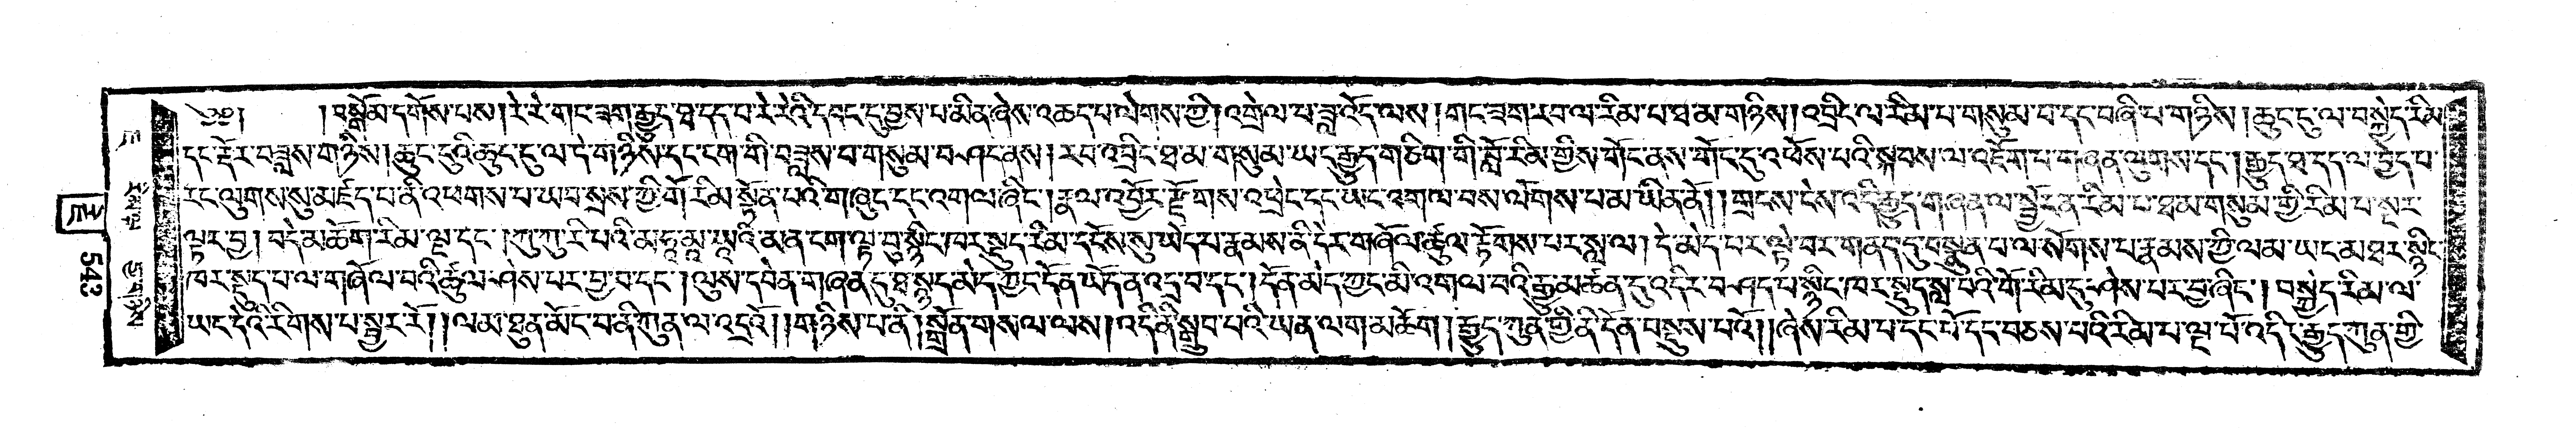༄༅། །བསྒོམ་དགོས་པས། རེ་རེ་གང་ཟག་རྒྱུད་ཐ་དད་པ་རེ་རེའི་དབང་དུ་བྱས་པ་མིན་ཞེས་འཆད་པ་ལེགས་ཀྱི། འགྲེལ་པ་ཟླ་འོད་ལས། གང་ཟག་རབ་ལ་རིམ་པ་ཐ་མ་གཉིས། འབྲིང་ལ་རིམ་པ་གསུམ་པ་དང་བཞི་པ་གཉིས། ཆུང་ངུ་ལ་བསྐྱེད་རིམ་
དང་རྡོར་བཟླས་གཉིས། ཆུང་ངུའི་ཆུང་ངུ་ལ་དེ་གཉིས་དང་ངག་གི་བཟླས་པ་གསུམ་བཤད་ནས། རབ་འབྲིང་ཐ་མ་གསུམ་ཡང་རྒྱུད་གཅིག་གི་བློ་རིམ་གྱིས་གོང་ནས་གོང་དུ་འཕོས་པའི་སྐབས་ལ་འཇོག་པ་གཞན་ལུགས་དང་། རྒྱུད་ཐ་དད་ལ་བྱེད་པ་
རང་ལུགས་སུ་མཛད་པ་ནི་འཕགས་པ་ཡབ་སྲས་ཀྱི་གོ་རིམ་སྟོན་པའི་གཞུང་དང་འགལ་ཞིང་།རྣལ་འབྱོར་རྫོགས་འཕྲེང་དང་ཡང་འགལ་བས་ལེགས་པ་མ་ཡིན་ནོ། །གྲངས་ངེས་འདི་རྒྱུད་གཞན་ལ་སྦྱོར་ན་རིམ་པ་ཐ་མ་གསུམ་གྱི་རིམ་པ་སྔར་
ལྟར་བྱ། བདེ་མཆོག་རིམ་ལྔ་དང་། ཀུ་ཀུ་རི་པའི་མཧཱ་མཱ་ཡའི་མན་ངག་ལྟ་བུ་སྙིང་ཁར་སྡུད་རིམ་དངོས་སུ་ཡོད་པ་རྣམས་ནི་དེར་གཞོལ་ཚུལ་རྟོགས་པར་སླ་ལ། དེ་མེད་པར་ལྟེ་བར་གནད་དུ་བསྣུན་པ་ལ་སོགས་པ་རྣམས་ཀྱི་ལམ་ཡང་མཐར་སྙིང་
ཁར་སྡུད་པ་ལ་གཞོལ་བའི་ཚུལ་ཤེས་པར་བྱ་བ་དང་། ལུས་དབེན་གཞན་དུ་ཐ་སྙད་མེད་ཀྱང་དོན་ཡོད་ན་འདྲ་བ་དང་། དོན་མེད་ཀྱང་མི་འགལ་བའི་རྒྱུ་མཚན་དུ་འདིར་བཤད་པ་སྙིང་ཁར་སྡུད་སླ་བའི་གོ་རིམ་དུ་ཤེས་པར་བྱ་ཞིང་། བསྐྱེད་རིམ་པ་ལ་
ཡང་དེའི་རིགས་པ་སྦྱར་རོ། །ལམ་ཐུན་མོང་བ་ནི་ཀུན་ལ་འདྲའོ། །གཉིས་པ་ནི། སྒྲོན་གསལ་ལས། འདི་ནི་སྒྲུབ་པའི་ཡན་ལག་མཆོག །རྒྱུད་ཀུན་གྱི་ནི་དོན་བསྡུས་པའོ། །ཞེས་རིམ་པ་དང་པོ་དང་བཅས་པའི་རིམ་པ་ལྔ་པོ་འདིར་རྒྱུད་ཀུན་གྱི་